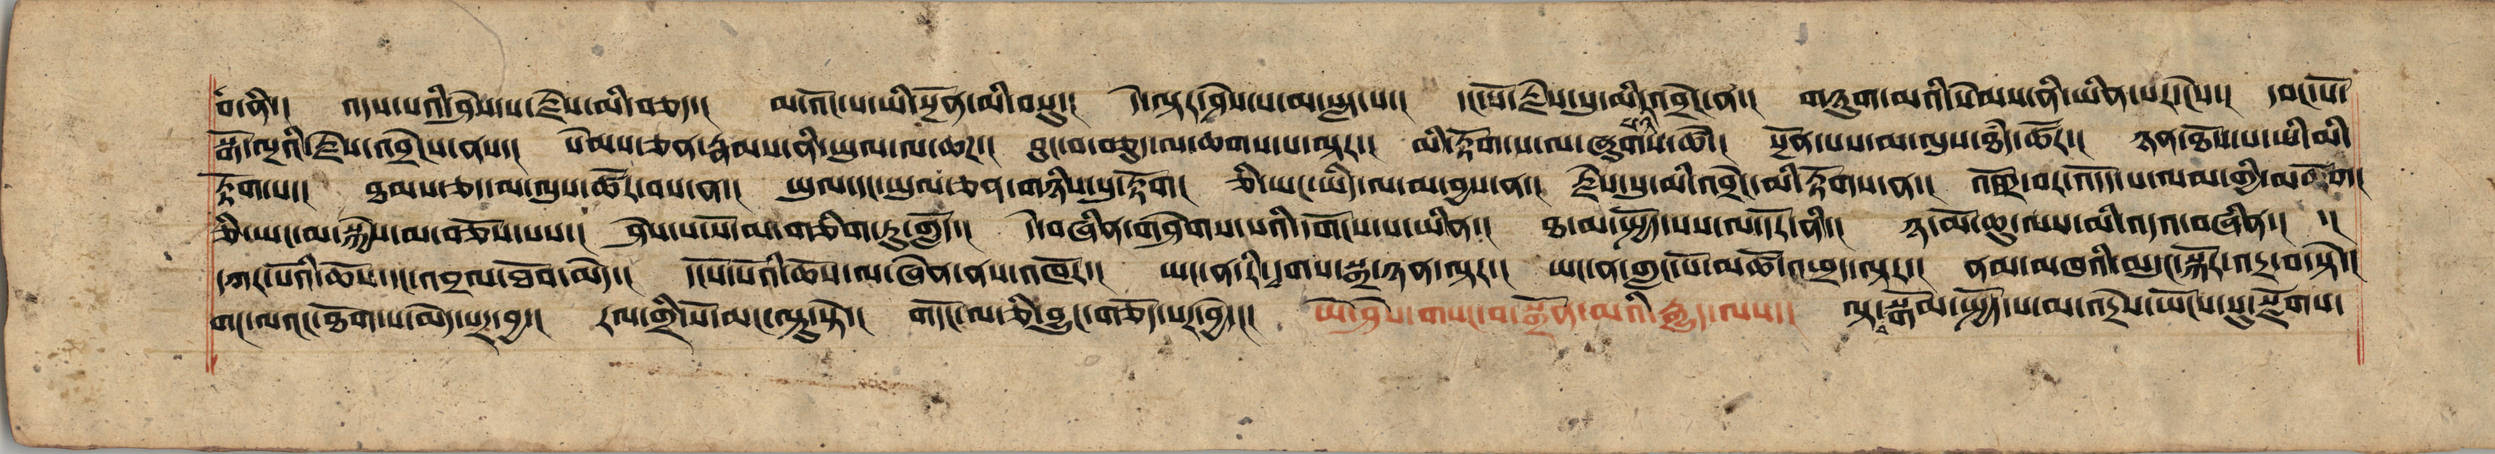བ་ནི་། འདས་པའི་ཤེས་པ་རྗེས་མི་བཅད་། མ་འོང་པ་ཡི་སྔོན་མི་བསུ་། དེ་ལྟར་ཤེས་པ་མ་སླད་པ་། དང་པོ་རྗེས་སུ་མི་འབྲེང་ན་། གཉུག་མའི་སེམས་ནི་ཡིན་པར་ངེས་། དབང་པོ་
སྒོ་ལྔའི་རྗེས་འབྲེངས་ནས་། སེམས་ཅན་རྣམས་ནི་ཡུལ་ལ་ཆཌ་། བུང་བ་བཅུད་ལ་ཆགས་པ་ལྟར་། མི་རྟོག་པ་ལ་ཞུགས་པའི་ཚེ་། སྔོན་པས་མ་ལུས་ཐཾད་ཚོར་། ཉན་ཐོས་པ་ཡི་མི་
རྟོག་པ་། ཐམས་ཅད་མ་ལུས་ཚོར་བས་ན་། ཡུལ་དང་ཡུལ་ཅན་གཉིས་སུ་རྟོག། ཅི་ཡང་ཡིད་ལ་མ་བྱས་ན་། རྗེས་སུ་མི་འབྲེང་མི་རྟོགས་ན་། འགྲོ་བར་འདོད་པ་ལམ་གྱི་མཆོག།
ཅི་ཡང་མ་སྐྱེས་མ་བཅོས་པས་། ཤེས་པ་སོ་མ་གཅིག་ཏུ་གློད་། དེ་བཞིན་གཤེགས་པའི་དགོངས་པ་་ཡིན་། ཐ་མ་སྤྱོད་པས་ལ་དོར་ནི་། ཉ་མོ་ཆུ་ལས་མི་འདའ་བཞིན་། ་།
དཀར་པོའི་ཆོས་དང་འབྲལ་ཐོབ་མེད་། དངོས་པོའི་ཆོས་ལ་ཞེན་ནས་འཁོར་། ཡང་ན་རི་དྭགས་སྒྲ་ཉན་ལྟར་། ཡང་ན་གླང་པོ་མཚོ་འཕྲད་ལྟར་། ནམ་མཁའི་མདུང་སྐོར་འདྲ་བ་སྟེ་།
གང་ལའང་ཐོག་པ་མེད་པར་བྱ་། རལ་གྲི་སོ་མང་ལྟུ་སྟེ་། གདོང་ལ་ཅི་བྱུང་གཅོད་པར་བྱེད་། ཡེ་ཤེས་གསང་བ་སྒྲོན་མའི་རྒྱུད་ལས་། ལྟ་བསྒོམ་སྤྱོད་པ་མ་འདྲེས་ཡོངས་སུ་སྫོགས་